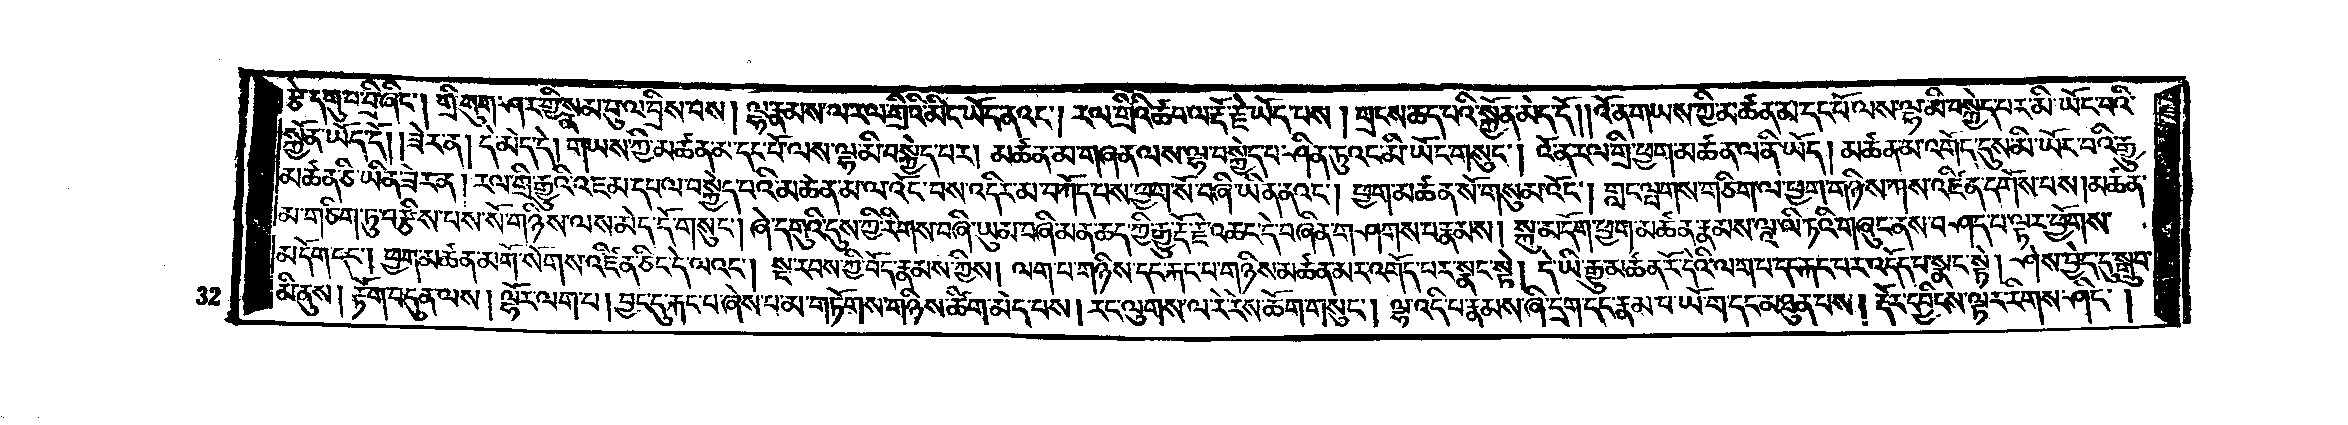རྩེ་དགུ་པ་བྲི་ཞིང་། གྲི་གུག་ཤར་གྱི་སྣམ་བུ་ལ་བྲིས་པས། ལྷ་རྣམས་ལ་རལ་གྲིའི་མིང་ཡོད་ནའང་། རལ་གྲིའི་ཚབ་ལ་རྡོ་རྗེ་ཡོད་པས། གྲངས་ཆད་པའི་སྐྱོན་མེད་དོ། །འོ་ན་གཡས་ཀྱི་མཚན་མ་དང་པོ་ལས་ལྷ་མི་བསྐྱེད་པར་མི་ཡོང་བའི་
སྐྱོན་ཡོད་དོ། །ཟེར་ན། དེ་མེད་དེ། གཡས་ཀྱི་མཚན་མ་དང་པོ་ལས་ལྷ་མི་བསྐྱེད་པར། མཚན་མ་གཞན་ལས་ལྷ་བསྐྱེད་པ་ཤིན་ཏུའང་མི་ཡོང་གསུང་། འོ་ན་རལ་གྲི་ཕྱག་མཚན་ལ་ནི་ཡོད། མཚན་མ་འགོད་དུས་མི་ཡོང་བའི་རྒྱུ་
མཚན་ཅི་ཡིན་ཟེར་ན། རལ་གྲི་རྒྱུའི་འཇམ་དཔལ་བསྐྱེད་པའི་མཚན་མ་ལ་འོང་བས་འདིར་མ་བཀོད་པས་ཕྱག་སོ་བཞི་ཡིན་ནའང་། ཕྱག་མཚན་སོ་གསུམ་འོང་། གླང་ལྤགས་གཅིག་ལ་ཕྱག་གཉིས་ཀས་འཛིན་དགོས་པས། མཚན་
མ་གཅིག་ཏུ་བརྩིས་པས་སོ་གཉིས་ལས་མེད་དོ་གསུང་། ཞེ་དགུའི་དུས་ཀྱི་རིགས་བཞི་ཡུམ་བཞི་མན་ཆད་ཀྱི་རྒྱུ་རྡོ་རྗེ་འཆང་དེ་བཞིན་གཤགས་པ་རྣམས། སྐུ་མདོག་ཕྱག་མཚན་རྣམས་ལཱ་ལི་ཏའི་གཞུང་ནས་བཤད་པ་ལྟར་ཕྱོགས་
མདོག་དང་། ཕྱག་མཚན་མགོ་སོགས་འཛིན་ཅིང་དེ་ལའང་། སྔ་རབས་ཀྱི་བོད་རྣམས་ཀྱིས། ལག་པ་གཉིས་དང་རྐང་པ་གཉིས་མཚན་མར་འགོད་པར་སྣང་སྟེ། དེ་ཡི་རྒྱུ་མཚན་རོ་དེའི་ལག་པ་དང་རྐང་པར་འདོད་པ་སྣང་སྟེ། ཤེས་བྱེད་དུ་སྒྲུབ་
མི་ནུས། རྟོག་བདུན་ལས། ལྷོར་ལག་པ། བྱང་དུ་རྐང་པ་ཞེས་པ་མ་གཏོགས་གཉིས་ཚིག་མེད་པས། རང་ལུགས་ལ་རེ་རེས་ཆོག་གསུང་། ལྷ་འདི་པ་རྣམས་ཞི་དྲག་དང་རྣམ་པ་ཡོ་ག་དང་མཐུན་པས། རྡོར་དབྱིངས་ལྟར་རིགས་ཤིང་།